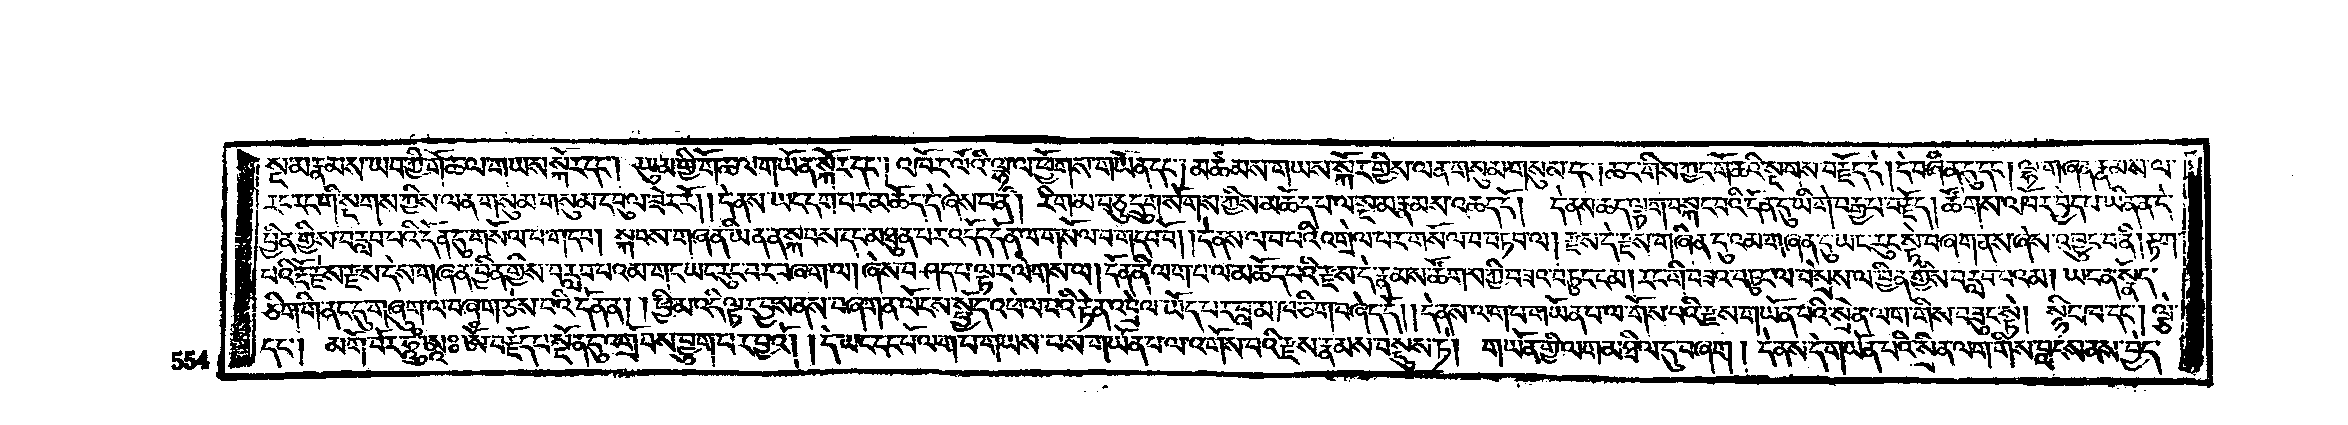སྔ་མ་རྣམས་ཡབ་ཀྱི་གོ་ཆ་ལ་གཡས་སྐོར་དང་། ཡུམ་གྱི་གོ་ཆ་ལ་གཡོན་སྐོར་དང་། འཁོར་ལོའི་ལྷ་ལ་ཕྱོགས་གཡོན་དང་། མཚམས་གཡས་སྐོར་གྱིས་ལན་གསུམ་གསུམ་དང་། ཆང་གིས་ཀྱང་གོ་ཆའི་སྔགས་བརྗོད་དེ། དེ་བཞིན་དུ་དང་། ལྷ་གཞན་རྣམས་ལ་
རང་རང་གི་སྔགས་ཀྱིས་ལན་གསུམ་གསུམ་དབུལ་ཟེར་རོ། །དེ་ནས་ཡང་དག་པར་མཆོད་དེ་ཞེས་པ་ནི། རིག་མ་བཅུ་དྲུག་སོགས་ཀྱིས་མཆོད་པ་ལ་སྔ་མ་རྣམས་འཆད་དོ། །དེ་ནས་ཆད་ལྷག་བསྐང་བའི་དོན་དུ་ཡི་གེ་བརྒྱ་པ་བརྗོད། ཚོགས་འཁོར་བྱེད་པ་ཡིན་ན་དེ་
བྱིན་གྱིས་བརླབ་པའི་དོན་དུ་གསོལ་བ་གདབ། སྐབས་གཞན་ཡིན་ན་སྐབས་དང་མཐུན་པར་འདོད་དོན་ལ་གསོལ་བ་གདབ་བོ། །དེ་ནས་ལྭ་བ་པའི་འགྲེལ་པར་གསོལ་བ་བཏབ་ལ། རྫས་དེ་རྫས་བཞིན་དུ་འམ་གཞན་དུ་ཡང་རུང་སྟེ་བཞག་ནས་ཞེས་འབྱུང་བ་ནི། རྟག་
པའི་རྡོ་རྗེས་རྫས་དེས་གཞན་བྱིན་གྱིས་བརླབ་པའམ་གང་ཡང་རུང་བར་བཞག་ལ། ཞེས་བཤད་པ་ལྟར་ལེགས་ལ། དོན་ནི་ལག་པ་ལ་མཆོད་པའི་རྫས་དེ་རྣམས་ཚོགས་ཀྱི་བཟའ་བཏུང་ངམ། རང་གི་བཟའ་བཏུང་ལ་བསྲེས་ལ་བྱིན་གྱིས་བརླབ་པའམ། ཡང་ན་སྣོད་
ཅིག་གི་ནང་དུ་གཞུག་ལ་བཞག་ཅེས་པའི་དོན་ནོ་?། །ཕྱི་མ་འདི་ལྟར་བྱས་ནས་བཞག་ན་ལོངས་སྤྱོད་འཕེལ་བའི་རྟེན་འབྲེལ་ཡོད་པར་བླ་མ་ཁ་ཅིག་བཞེད་དོ། །དེ་ནས་ལག་པ་གཡོན་པ་ལ་གོས་པའི་རྫས་གཡོན་པའི་སྲིན་ལག་གིས་བཟུང་སྟེ། སྙིང་ཁ་དང་། ལྕེ་
དང་། མགོ་བོར་ཧཱུཾ་ཨཱཿ ཨོཾ་བརྗོད་པ་སྔོན་དུ་འགྲོ་བས་བྱུག་པར་བྱའོ། །དེ་ཡང་དང་པོ་ལག་པ་གཡས་པས་གཡོན་པ་ལ་འགོས་པའི་རྫས་རྣམས་བསྡུས་ཏེ། གཡོན་གྱི་ལག་མཐིལ་དུ་བཞག །དེ་ནས་དེ་གཡོན་པའི་སྲིན་ལག་གིས་བླངས་ནས་བྱེད་